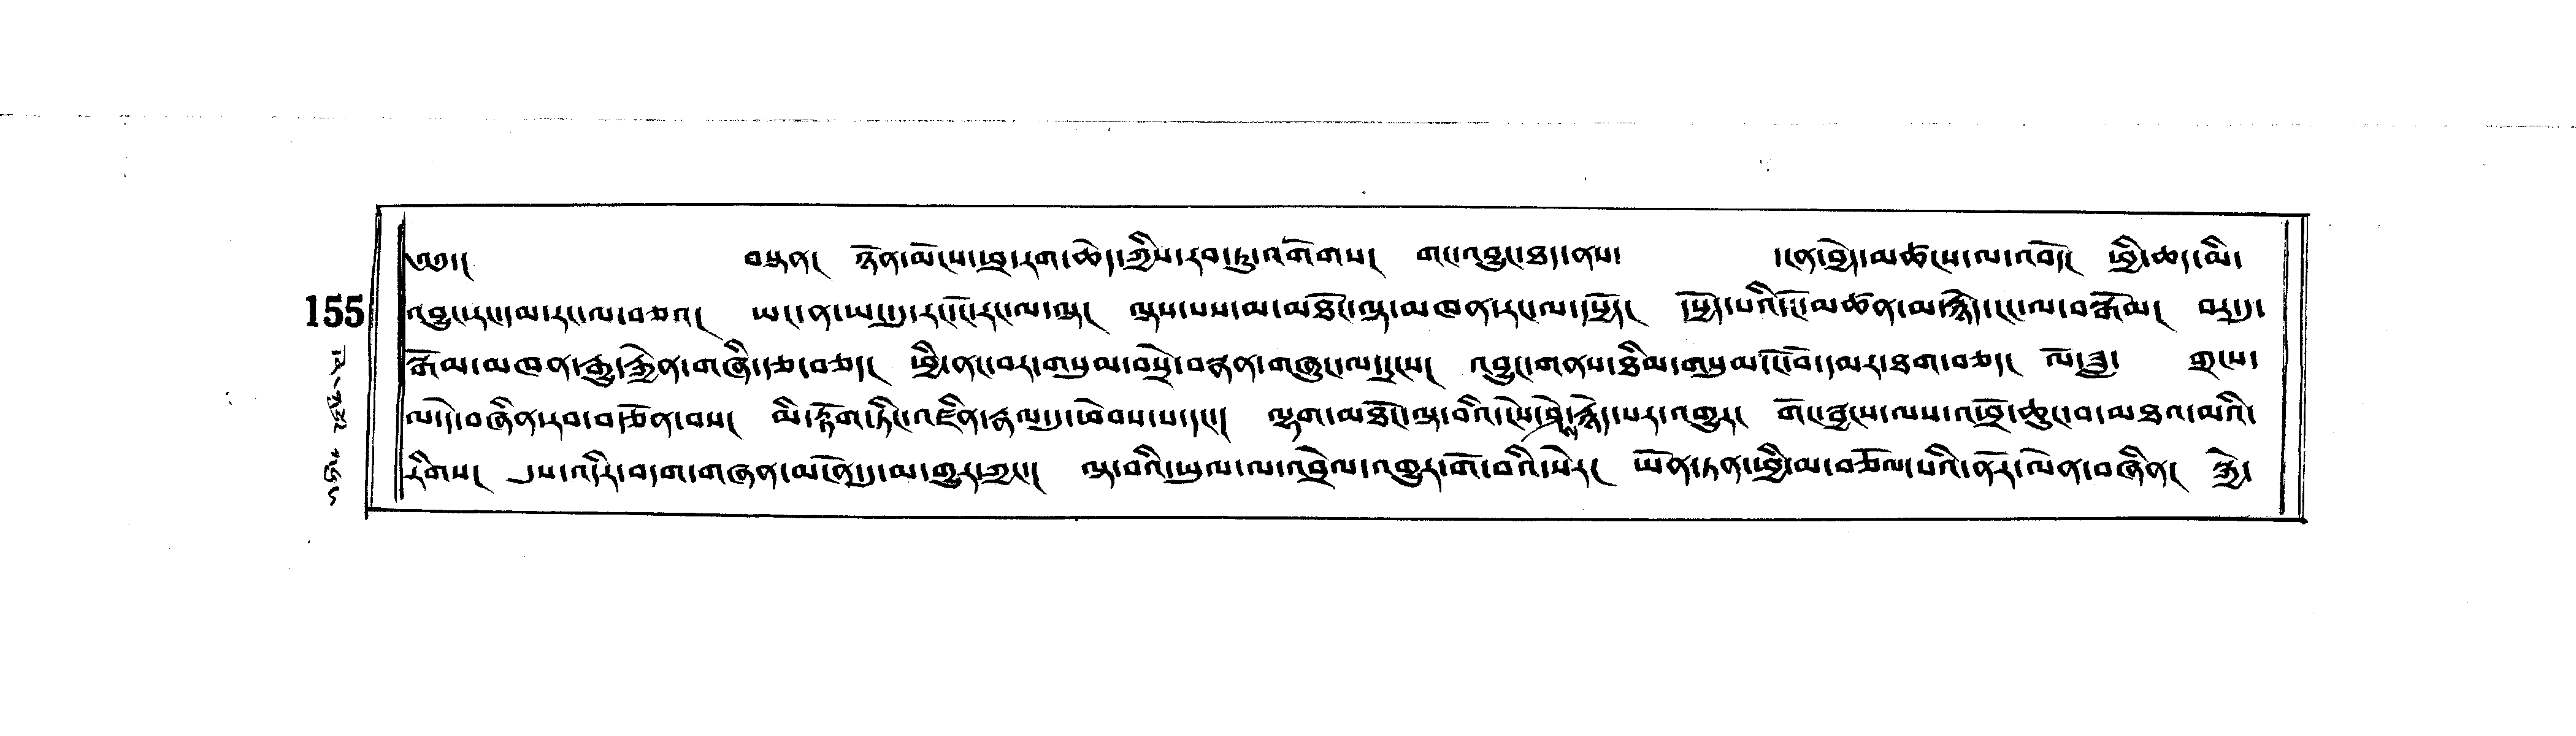བསྟན། ཉོན་མོངས་ཕྲ་རགས་ཆེད་ཀྱིས་རབ་ཏུ་འགོག གང་འབྱུང་ཐད་ནས་ངན་བྱེད་མཚངས་ལ་འབོད། ཕྱིན་ཆད་མི་
འབྱུང་རང་དམ་རང་ལ་བཅའ། ཡང་ནས་ཡང་དུ་རང་ངོ་རང་ལ་བལྟ། བལྟས་པས་མ་མཐོང་ལྟ་མཁན་རང་ལ་དཔྱོད། དཔྱོད་པའི་ངོ་མཚན་མ་རྙེད་ངང་ལ་བསྒོམ། བར་དུ་
སྒོམ་མཁན་རྒྱུ་རྐྱེན་གཞི་རྩ་བཅད། ཕྱི་ནང་བར་གསུམ་བསྲེ་བསྣན་གཞུང་ལ་དྲངས། འབྱུང་གནས་ཐིམ་གསུམ་ངོ་བོ་དམར་ཐག་བཅད། ལོ་ཟླ་གྲངས་
ལ་དེ་བཞིན་རབ་བརྩོིན་པས། མི་རྟོག་ཏིང་འཛིན་རྣལ་དུ་ཕེབས་པ་དང་། ལྷག་མཐོང་ལྟ་བའི་ངེས་ཤེས་རྙེད་པར་འགྱུར། གོང་སྦྱངས་ལས་འཕྲོ་ཆུང་བ་མཐའ་མའི་
རིགས། དུས་འདིར་བདག་གཞན་མངོན་དུ་མ་གྱུར་ཀྱང་། ལྟ་བའི་ཡུལ་ལ་འབྲེལ་འགྱུར་གོ་བའི་སེར། ཡོན་ཏན་ཕྱི་མ་བཅོལ་བའི་ནོར་ལེན་བཞིན། སྐྱེ་